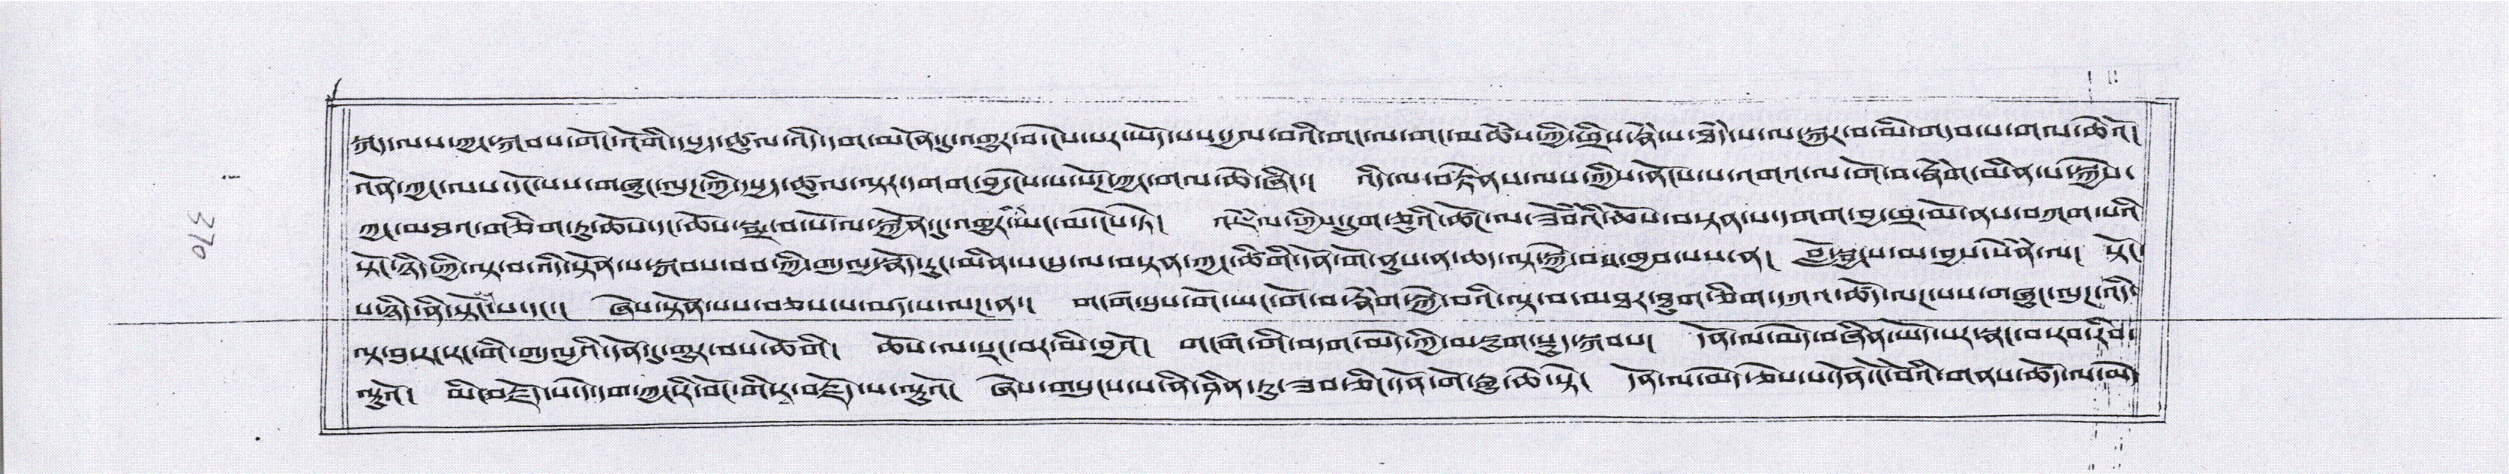སྐད་ལས་ཀྱང་སྐབས་གོང་འོག་གི་དཔྱད་ཚུལ་འདི་དག་མངོན་དུ་འགྱུར་བ་ངེས་པར་ཡོད་པས་རྒྱལ་བའི་གང་ལ་གང་མཚམས་ཀྱི་ཕྲིན་ལས་རྣམ་པ་ཐམས་ཅད་ས་ལ་སྐུར་བ་མི་གདབ་པ་གལ་ཆེའོ།
འོན་ཀྱང་ལས་དང་པོས་གཞུང་ལུགས་ཀྱི་དཔྱད་ཚུལ་ལྟར་དགག་བྱ་ངེས་པ་སོགས་ཀྱང་གལ་ཆེ་ཞིང། འདི་ལ་བརྟེན་ནས་ལས་ཀྱིས་ནོངས་པ་འགའ་ལ་གོ་བ་རྣམ་དག་མིན་པ་སྐྱེས་
ཀྱང་མཐའ་གཅིག་ཏུ་ཆོས་དང་ཆོས་སྨྲ་བ་པོ་ལ་སྐྱོན་དུ་འགྱུར་བར་ཡང་མ་ངེས་ཏེ། འཇལ་གྱིས་དྲུག་ཅུའི་ཚོགས་ལ་ཟབ་མོའི་ཆོས་བསྟན་པ་དགག་བྱ་ཕྲ་མོ་ནས་བཀག་པའི་
སྟོང་ཉིད་ཀྱི་ལྟ་བ་འདི་སྟོན་པ་སྐབས་བབ་ཀྱི་གདུལ་བྱ་སྣོད་རུང་མིན་པ་སུ་ལ་བསྟན་ཀྱང་ཚིག་གི་དོན་གོ་ནུས་ན་ཆད་ལྟ་སྐྱེ་བས་ཁྱབ་པས་ན། བློ་སྦྱངས་མ་བྱས་སེམས་ཅན་ལ། སྟོང་
པ་ཉིད་ནི་སྟོང་པ་དང། ཞེས་སྟོན་པས་བཅས་པ་མཛད་པ་ལགས་ན། གང་ཟག་སུས་གོ་ཡང་གོ་བ་རྣམ་དག་སྐྱེ་བའི་ལྟ་བ་མཐར་ཐུག་ཅིག་དཀའ་ཚོད་ལགས་པས་གཞུང་ལུགས་འདི་
ལྟ་བུ་རང་རང་གི་གདུལ་བྱའི་དོན་དུ་གྱུར་བས་ཆོག་གི། ཆོས་ལ་སྡང་བར་མི་བྱའོ། གང་ཟག་གི་བདག་མེད་ཀྱི་མཇུག་སྡུད་སྐབས། དོན་ལ་མེད་བཞིན་ཡོད་པར་སྣང་བ་རབ་རིབ་
ལྟ་བུའོ། མི་བརྗོད་པ་དེ་དག་ཀྱང་རི་བོང་གི་རྭ་བརྗོད་པ་ལྟ་བུའོ། ཞེས་གསུངས་པ་ནི་ཤིན་ཏུ་ཟབ་ཅིང་དོན་གོ་རྒྱུ་ཆེ་སྟེ། དོན་ལ་མེད་ཅེས་པ་དོན་ངོ་བོའི་གནས་ཚོད་ལ་མེད་